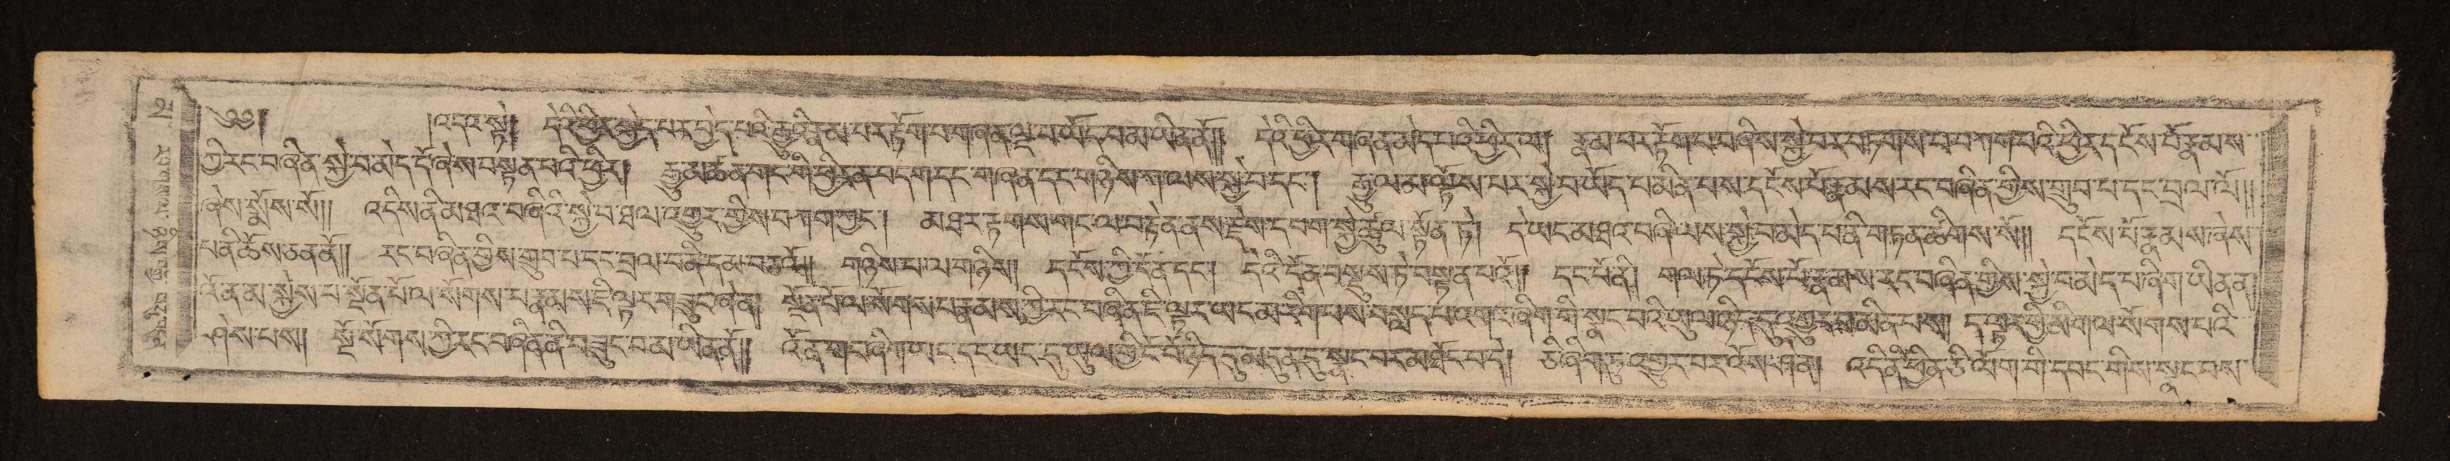༄༅། །འདའ་སྟེ། དེའི་ཕྱིར་སྐྱེད་པར་བྱེད་པའི་རྒྱུའི་རྣམ་པར་རྟོག་པ་གཞན་ལྔ་པ་ཡོད་པ་མ་ཡིན་ནོ།། དེའི་ཕྱིར་གཞན་མེད་པའི་ཕྱིར་ལ། རྣམ་པར་རྟོག་པ་བཞིས་སྐྱེ་བར་བཏགས་པ་བཀག་པའི་ཕྱིར་དངོས་པོ་རྣམས་
ཀྱི་རང་བཞིན་སྐྱེ་བ་མེད་དོ་ཞེས་བསྟན་པའི་ཕྱིར། རྒྱུ་མཚན་གང་གི་ཕྱིར་ན་བདག་དང་གཞན་དང་གཉིས་ཀ་ལས་སྐྱེ་བ་དང་། རྒྱུ་ལ་མ་ལྟོས་པར་སྐྱེ་བ་ཡོད་པ་མིན་པས་དངོས་པོ་རྣམས་རང་བཞིན་གྱིས་གྲུབ་པ་དང་བྲལ་ལོ།།
ཞེས་སྨོས་སོ།། འདིས་ནི་མཐའ་བཞིའི་སྐྱེ་བ་ཐལ་འགྱུར་གྱིས་བཀག་ཀྱང་། མཐར་རྟགས་གང་ལ་བརྟེན་ནས་རྗེས་དཔག་སྐྱེ་ཚུལ་སྟོན་ཏེ། དེ་ཡང་མཐའ་བཞི་ལས་སྐྱེ་བ་མེད་པ་ནི་གཏན་ཚིགས་སོ།། དངོས་པོ་རྣམས་ཞེས་
པ་ནི་ཆོས་ཅན་ནོ།། རང་བཞིན་གྱིས་གྲུབ་པ་དང་བྲལ་བ་ནི་དམ་བཅའོ།། གཉིས་པ་ལ་གཉིས། དངོས་ཀྱི་དོན་དང་། དེའི་དོན་བསྡུས་ཏེ་བསྟན་པའོ།། དང་པོ་ནི། གལ་ཏེ་དངོས་པོ་རྣམས་རང་བཞིན་གྱིས་སྐྱེ་བ་མེད་པ་ཞིག་ཡིན་ན།
འོ་ན་མ་སྐྱེས་པ་སྔོན་པོ་ལ་སོགས་པ་རྣམས་ཇི་ལྟར་གཟུང་ཞེ་ན། སྔོན་པོ་ལ་སོགས་པ་རྣམས་ཀྱི་རང་བཞིན་ཇི་ལྟར་ཡང་མ་རིག་པས་བསླད་པ་འགའ་ཞིག་གི་སྣང་བའི་ཡུལ་ཉིད་དུ་འགྱུར་བ་མིན་པས། དེ་ལྟར་གྱི་མིག་ལ་སོགས་པའི་
ཤེས་པས། སྔོ་སོགས་ཀྱི་རང་བཞིན་ནི་བཟུང་བ་མ་ཡིན་ནོ།། འོ་ན་གང་ཞིག་ཡང་དང་ཡང་དུ་ཡུལ་གྱི་ངོ་བོ་ཉིད་དུ་མདུན་དུ་སྣང་བར་མཐོང་བ་དེ། ཅི་ཞིག་ཏུ་འགྱུར་བར་འོས་ཤེ་ན། འདི་ནི་ཕྱིན་ཅི་ལོག་གི་དབང་གིས་སྣང་བས་